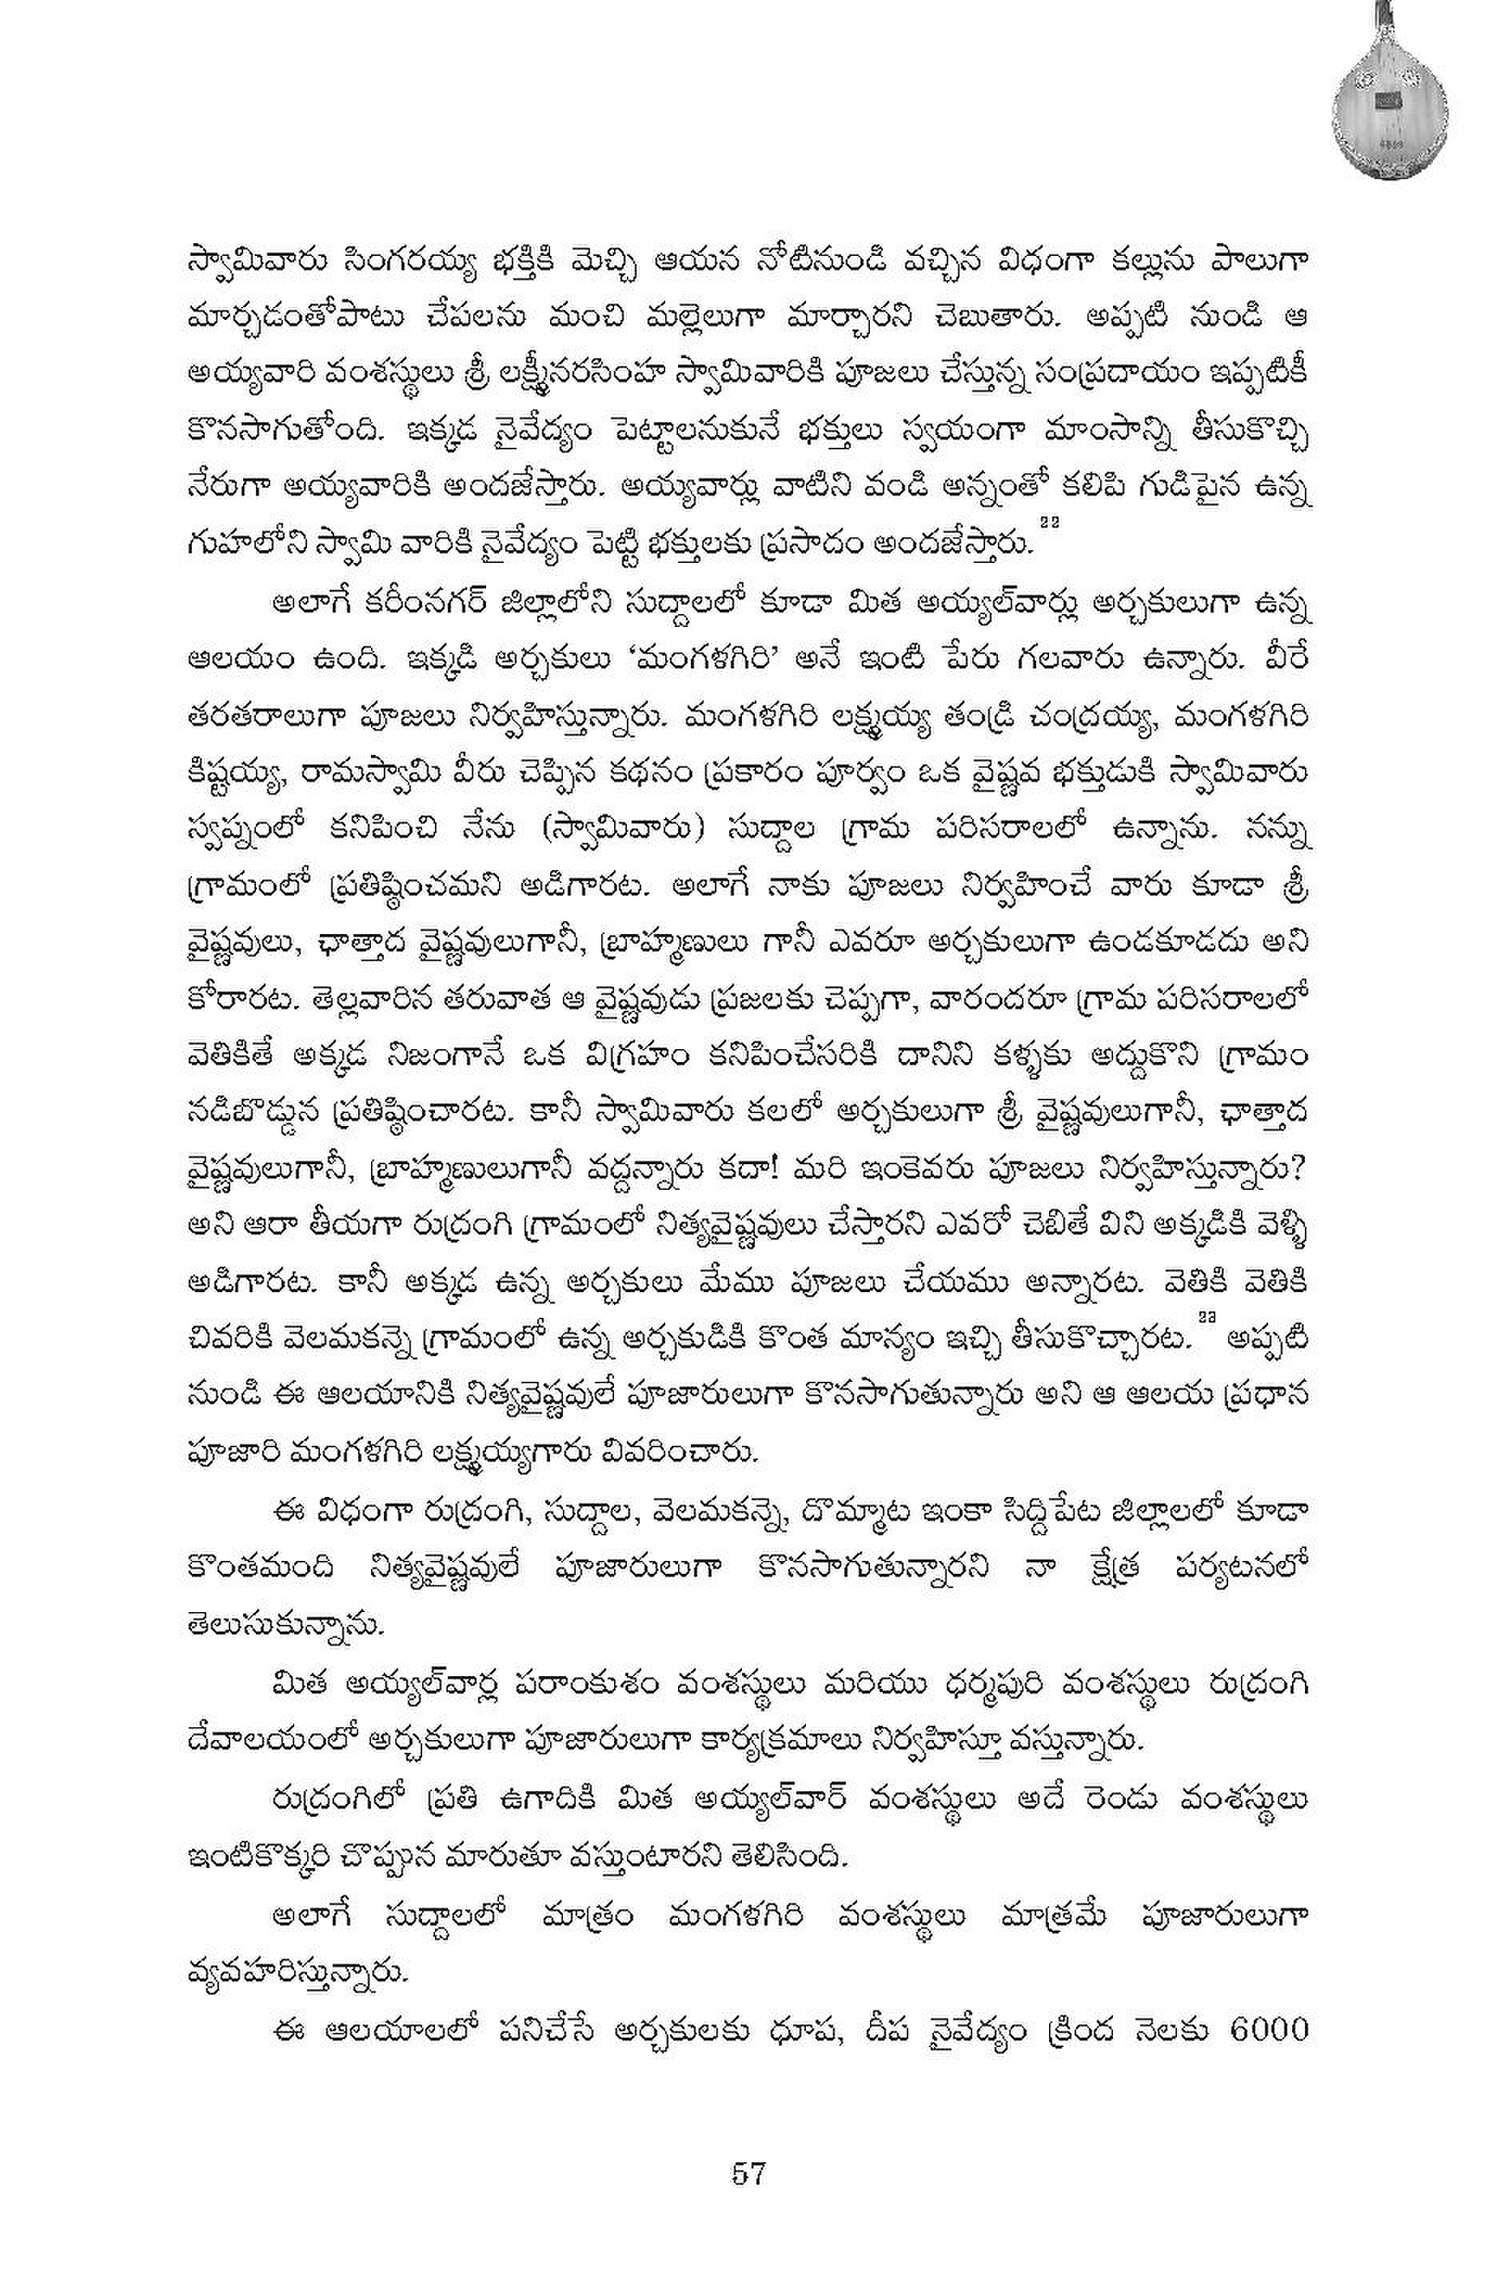స్వామివారు సింగరయ్య భక్తికి మెచ్చి ఆయన నోటినుండి వచ్చిన విధంగా కల్లును పాలుగా మార్చడంతోపాటు చేపలను మంచి మల్లెలుగా మార్చారని చెబుతారు. అప్పటి నుండి ఆ అయ్యవారి వంశస్థులు శ్రీ లక్ష్మీనరసింహ స్వామివారికి పూజలు చేస్తున్న సంప్రదాయం ఇప్పటికీ కొనసాగుతోంది. ఇక్కడ నైవేద్యం పెట్టాలనుకునే భక్తులు స్వయంగా మాంసాన్ని తీసుకొచ్చి
నేరుగా అయ్యవారికి అందజేస్తారు. అయ్యవార్లు వాటిని వండి అన్నంతో కలిపి గుడిపైన ఉన్న గుహలోని స్వామి వారికి నైవేద్యం పెట్టి భక్తులకు ప్రసాదం అందజేస్తారు.22

అలాగే కరీంనగర్ జిల్లాలోని సుద్దాలలో కూడా మిత అయ్యల్వార్లు అర్చకులుగా ఉన్న ఆలయం ఉంది. ఇక్కడి అర్చకులు 'మంగళగిరి' అనే ఇంటి పేరు గలవారు ఉన్నారు. వీరే తరతరాలుగా పూజలు నిర్వహిస్తున్నారు. మంగళగిరి లక్ష్మయ్య తండ్రి చంద్రయ్య, మంగళగిరి కిష్టయ్య, రామస్వామి వీరు చెప్పిన కథనం ప్రకారం పూర్వం ఒక వైష్ణవ భక్తుడుకి స్వామివారు స్వప్నంలో కనిపించి నేను (స్వామివారు) సుద్దాల గ్రామ పరిసరాలలో ఉన్నాను. నన్ను గ్రామంలో ప్రతిష్ఠించమని అడిగారట. అలాగే నాకు పూజలు నిర్వహించే వారు కూడా శ్రీ వైష్ణవులు, ఛాత్తాద వైష్ణవులుగానీ, బ్రాహ్మణులు గానీ ఎవరూ అర్చకులుగా ఉండకూడదు అని కోరారట. తెల్లవారిన తరువాత ఆ వైష్ణవుడు ప్రజలకు చెప్పగా, వారందరూ గ్రామ పరిసరాలలో వెతికితే అక్కడ నిజంగానే ఒక విగ్రహం కనిపించేసరికి దానిని కళ్ళకు అద్దుకొని గ్రామం
నడిబొడ్డున ప్రతిష్ఠించారట. కానీ స్వామివారు కలలో అర్చకులుగా శ్రీ వైష్ణవులుగానీ, ఛాత్తాద వైష్ణవులుగానీ, బ్రాహ్మణులు గానీ వద్దన్నారు కదా! మరి ఇంకెవరు పూజలు నిర్వహిస్తున్నారు? అని ఆరా తీయగా రుద్రంగి గ్రామంలో నిత్యవైష్ణవులు చేస్తారని ఎవరో చెబితే విని అక్కడికి వెళ్ళి అడిగారట. కానీ అక్కడ ఉన్న అర్చకులు మేము పూజలు చేయము అన్నారట. వెతికి వెతికి చివరికి వెలమకన్నె గ్రామంలో ఉన్న అర్చకుడికి కొంత మాన్యం ఇచ్చి తీసుకొచ్చారట.23 అప్పటి నుండి ఈ ఆలయానికి నిత్యవైష్ణవులే పూజారులుగా కొనసాగుతున్నారు అని ఆ ఆలయ ప్రధాన పూజారి మంగళగిరి లక్ష్మయ్యగారు వివరించారు.

ఈ విధంగా రుద్రంగి, సుద్దాల, వెలమకన్నె, దొమ్మాట ఇంకా సిద్దిపేట జిల్లాలలో కూడా కొంతమంది నిత్యవైష్ణవులే పూజారులుగా కొనసాగుతున్నారని నా క్షేత్ర పర్యటనలో తెలుసుకున్నాను.

మిత అయ్యల్వార్ల పరాంకుశం వంశస్థులు మరియు ధర్మపురి వంశస్థులు రుద్రంగి దేవాలయంలో అర్చకులుగా పూజారులుగా కార్యక్రమాలు నిర్వహిస్తూ వస్తున్నారు.

రుద్రంగిలో ప్రతి ఉగాదికి మిత అయ్యల్వార్ వంశస్థులు అదే రెండు వంశస్థులు ఇంటికొక్కరి చొప్పున మారుతూ వస్తుంటారని తెలిసింది.

అలాగే సుద్దాలలో మాత్రం మంగళగిరి వంశస్థులు మాత్రమే పూజారులుగా వ్యవహరిస్తున్నారు.

ఈ ఆలయాలలో పనిచేసే అర్చకులకు ధూప, దీప నైవేద్యం క్రింద నెలకు 6000